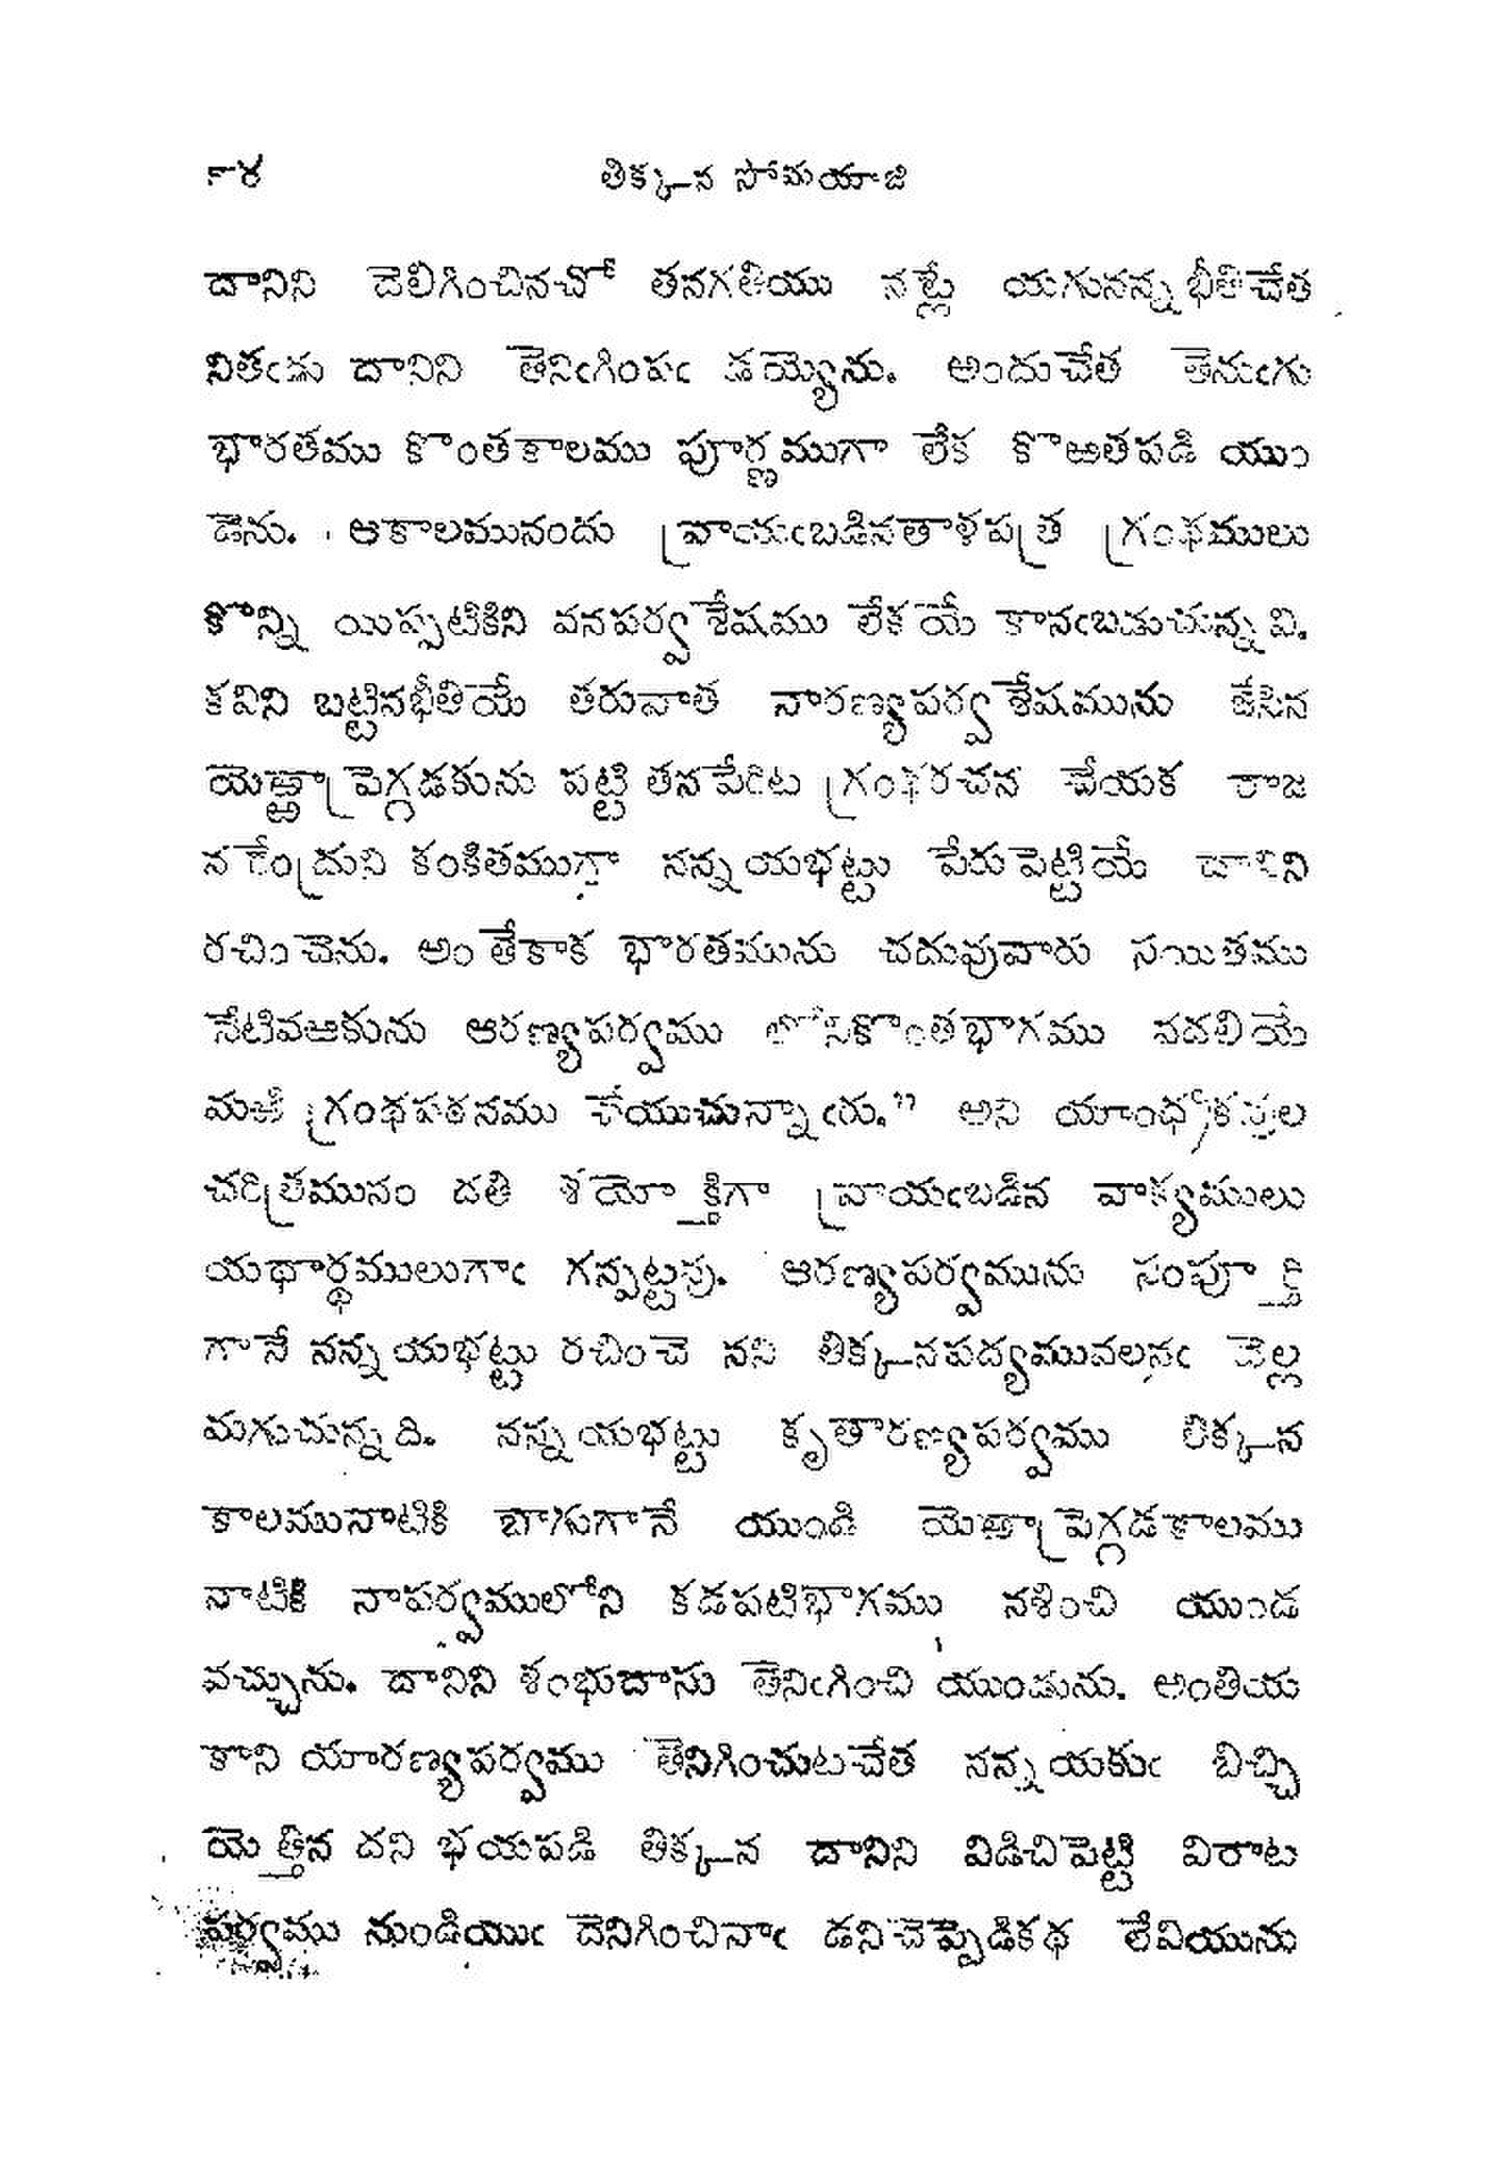దానిని దెలిగించినచో తనగతియు నట్లే యగునన్న భీతిచేత నితఁడు దానిని తెనిఁగింపఁ డయ్యెను. అందుచేత తెనుఁగు భారతము కొంతకాలము పూర్ణముగా లేక కొఱతపడి యుండెను. ఆకాలమునందు వ్రాయఁబడినతాళపత్ర గ్రంథములు కొన్ని యిప్పటికిని వనపర్వశేషము లేకయే కానఁబడుచున్నవి. కవిని బట్టినభీతియే తరువాత నారణ్యపర్వశేషమును జేసిన
యెఱ్ఱాప్రెగ్గడకును పట్టి తనపేరిట గ్రంథరచన చేయక రాజనరేంద్రుని కంకితముగా నన్నయభట్టు పేరుపెట్టియే దానిని రచించెను. అంతేకాక భారతమును చదువువారు సయితము నేటివఱకును ఆరణ్యపర్వము లోనికొంతభాగము వదలియే మఱి గ్రంథపఠనము చేయుచున్నారు." అని యాంధ్రకవుల చరిత్రమునం దతి శయోక్తిగా వ్రాయఁబడిన వాక్యములు
యథార్థములుగాఁ గన్పట్టవు. ఆరణ్యపర్వమును సంపూర్తిగానే నన్నయభట్టు రచించె నని తిక్కనపద్యమువలనఁ దెల్లమగుచున్నది. నన్నయభట్టు కృతారణ్యపర్వము తిక్కన కాలమునాటికి బాగుగానే యుండి యెఱాప్రెగ్గడకాలమునాటికి నాపర్వములోని కడపటిభాగము నశించి యుండవచ్చును. దానిని శంభుదాసు తెనిఁగించి యుండును. అంతియకాని యారణ్యపర్వము తెనిగించుటచేత నన్నయకుఁ బిచ్చి యెత్తిన దని భయపడి తిక్కన దానిని విడిచి పెట్టి విరాటపర్వము నుండియుఁ దెనిగించినాఁ డనిచెప్పెడికథ లేవియును